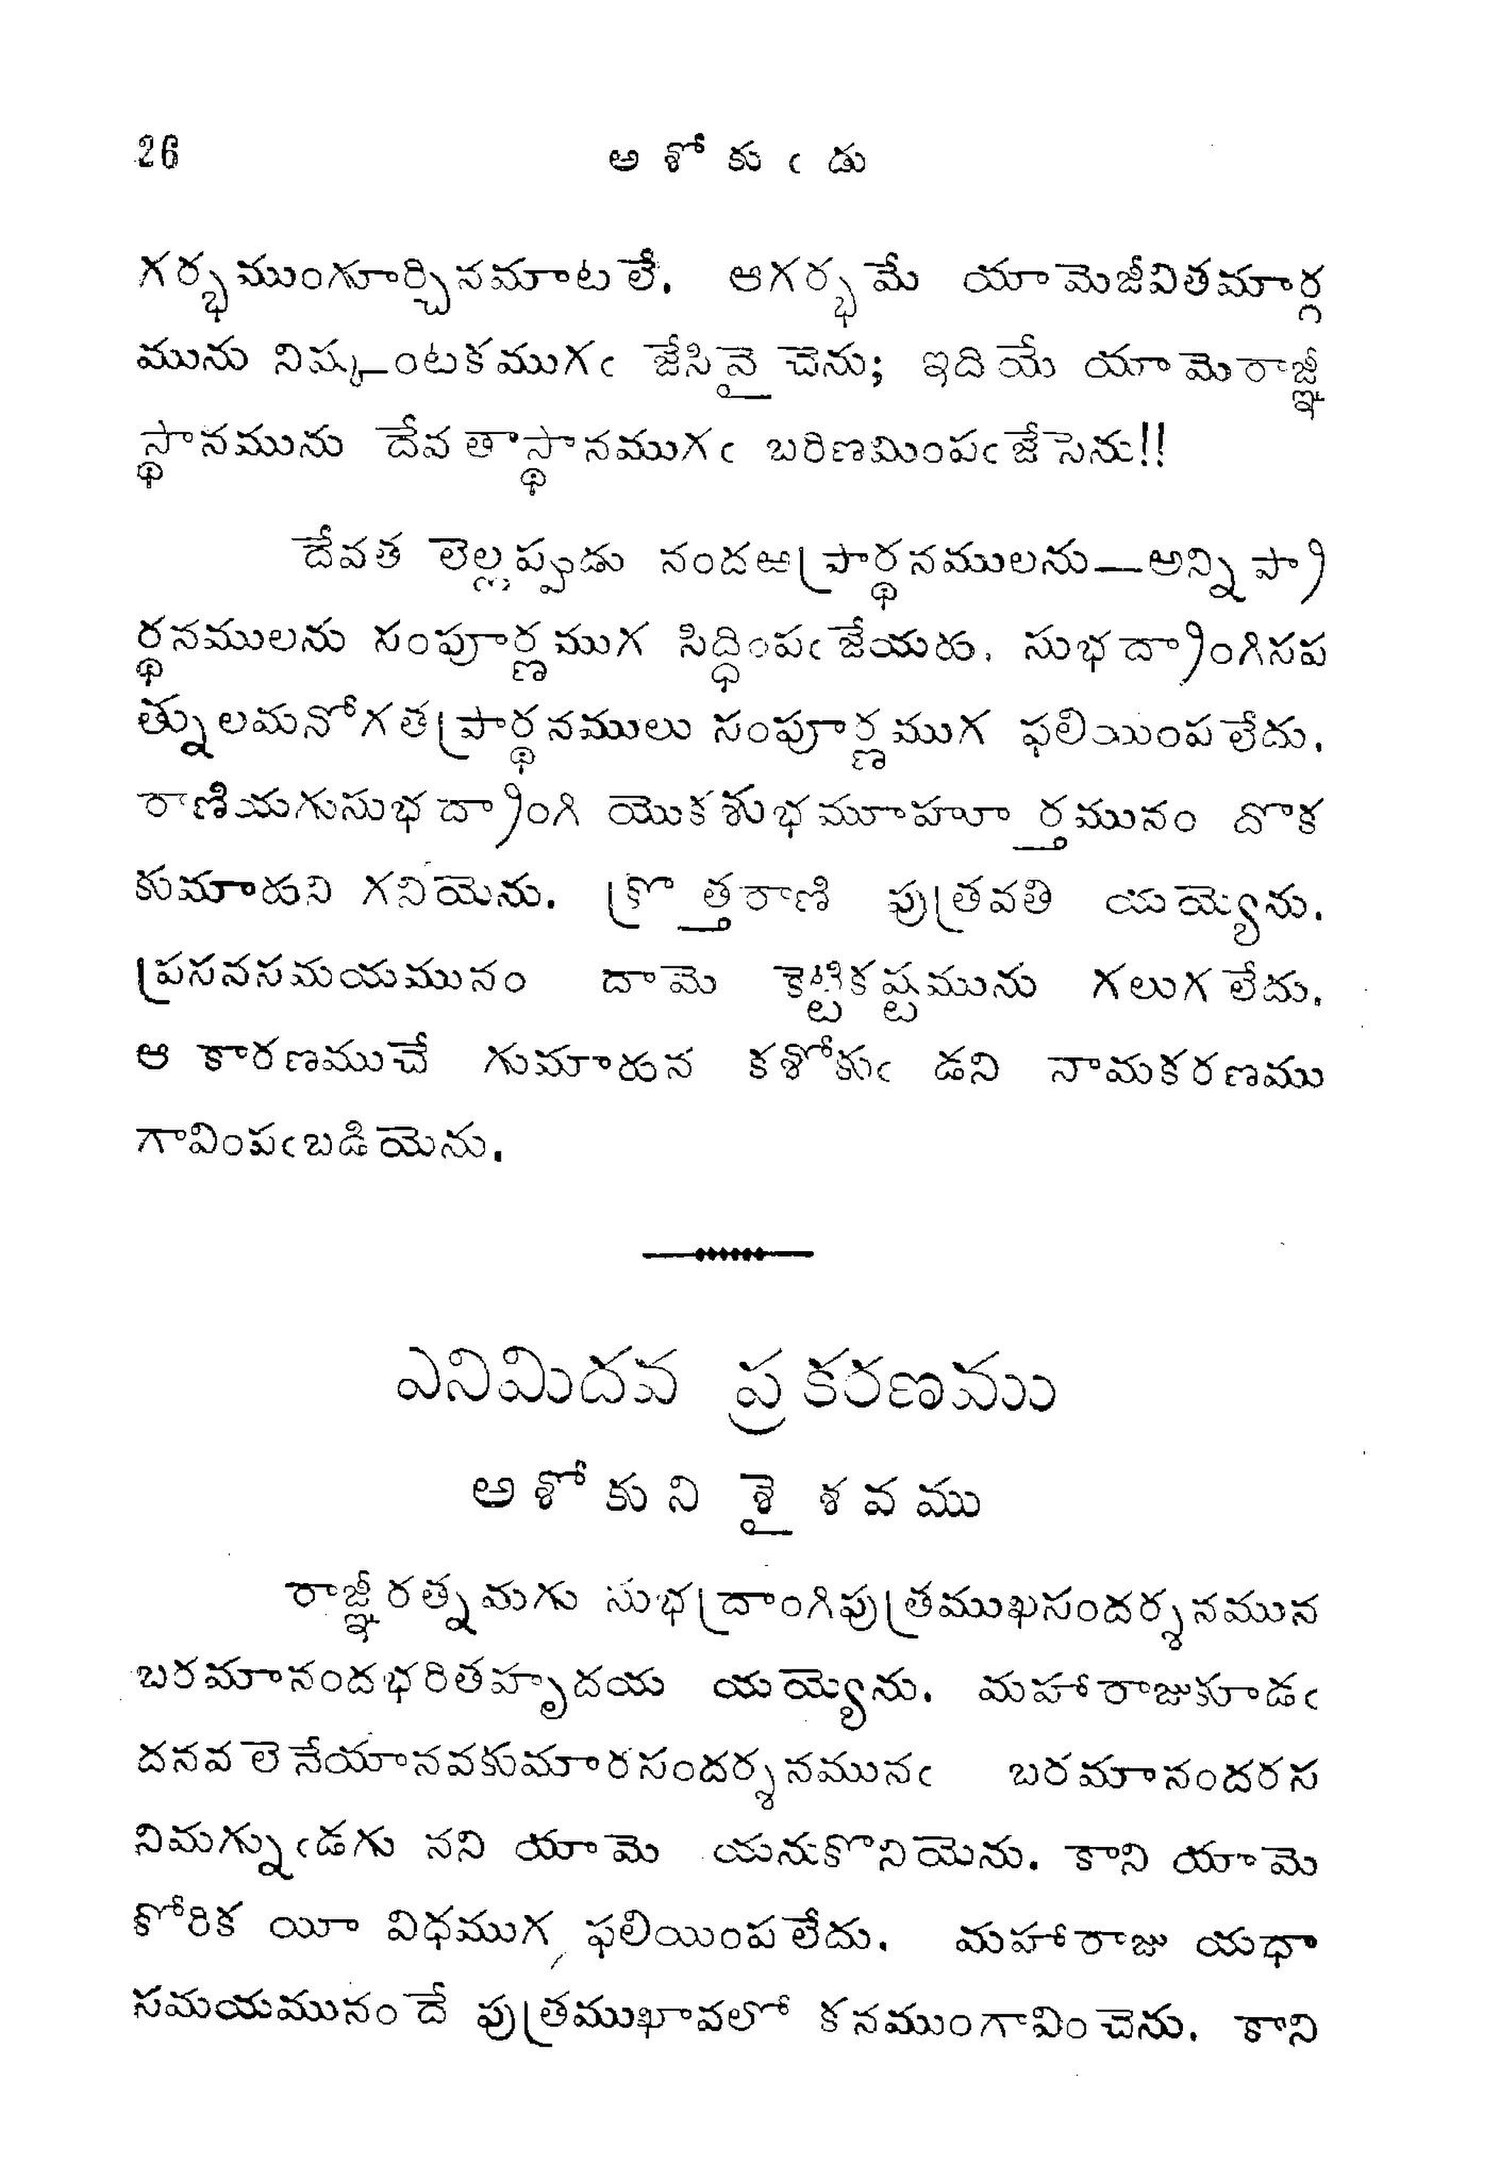గర్భముంగూర్చినమాటలే. ఆగర్భమే యామె జీవితమార్గమును నిష్కంటక ముగఁ జేసి వైచెను; ఇదియే యామెరాజ్ఞీ స్థానమును దేవతా స్థానముగఁ బరిణమింపఁ జేసెను!!

దేవత లెల్లప్పుడు నందఱ ప్రార్థనములను — అన్ని ప్రార్ధనములను సంపూర్ణముగ సిద్ధింపఁ జేయరు. సుభద్రాంగిసపత్నుల మనోగత ప్రార్థనములు సంపూర్ణముగ ఫలియింప లేదు.
రాణియగుసుభ ద్రాంగి యొక శుభమూహూర్తమునం దొక కుమారుని గనియెను. కొత్త రాణి పుత్రవతి యయ్యెను. ప్రసనసమయమునందామె కెట్టి కష్టమును గలుగ లేదు, ఆ కారణముచే గుమారున కశోకుఁ డని నామకరణము గావింపఁబడియెను.

రాజ్ఞీ రత్న మగు సుభద్రాంగిపుత్రముఖసందర్శనమున బరమానంద భరితహృదయ యయ్యెను. మహా రాజుకూడఁ దనవ లె నేయానవ కుమారసందర్శనమునఁ బరమానందరస
నిమగ్నుఁడగు నని యామె యనుకొనియెను. కాని యామెకోరిక యీ విధముగ ఫలియింప లేదు. మహారాజు యధా సమయమునందే పుత్రముఖావలో కనముంగావించెను. కాని